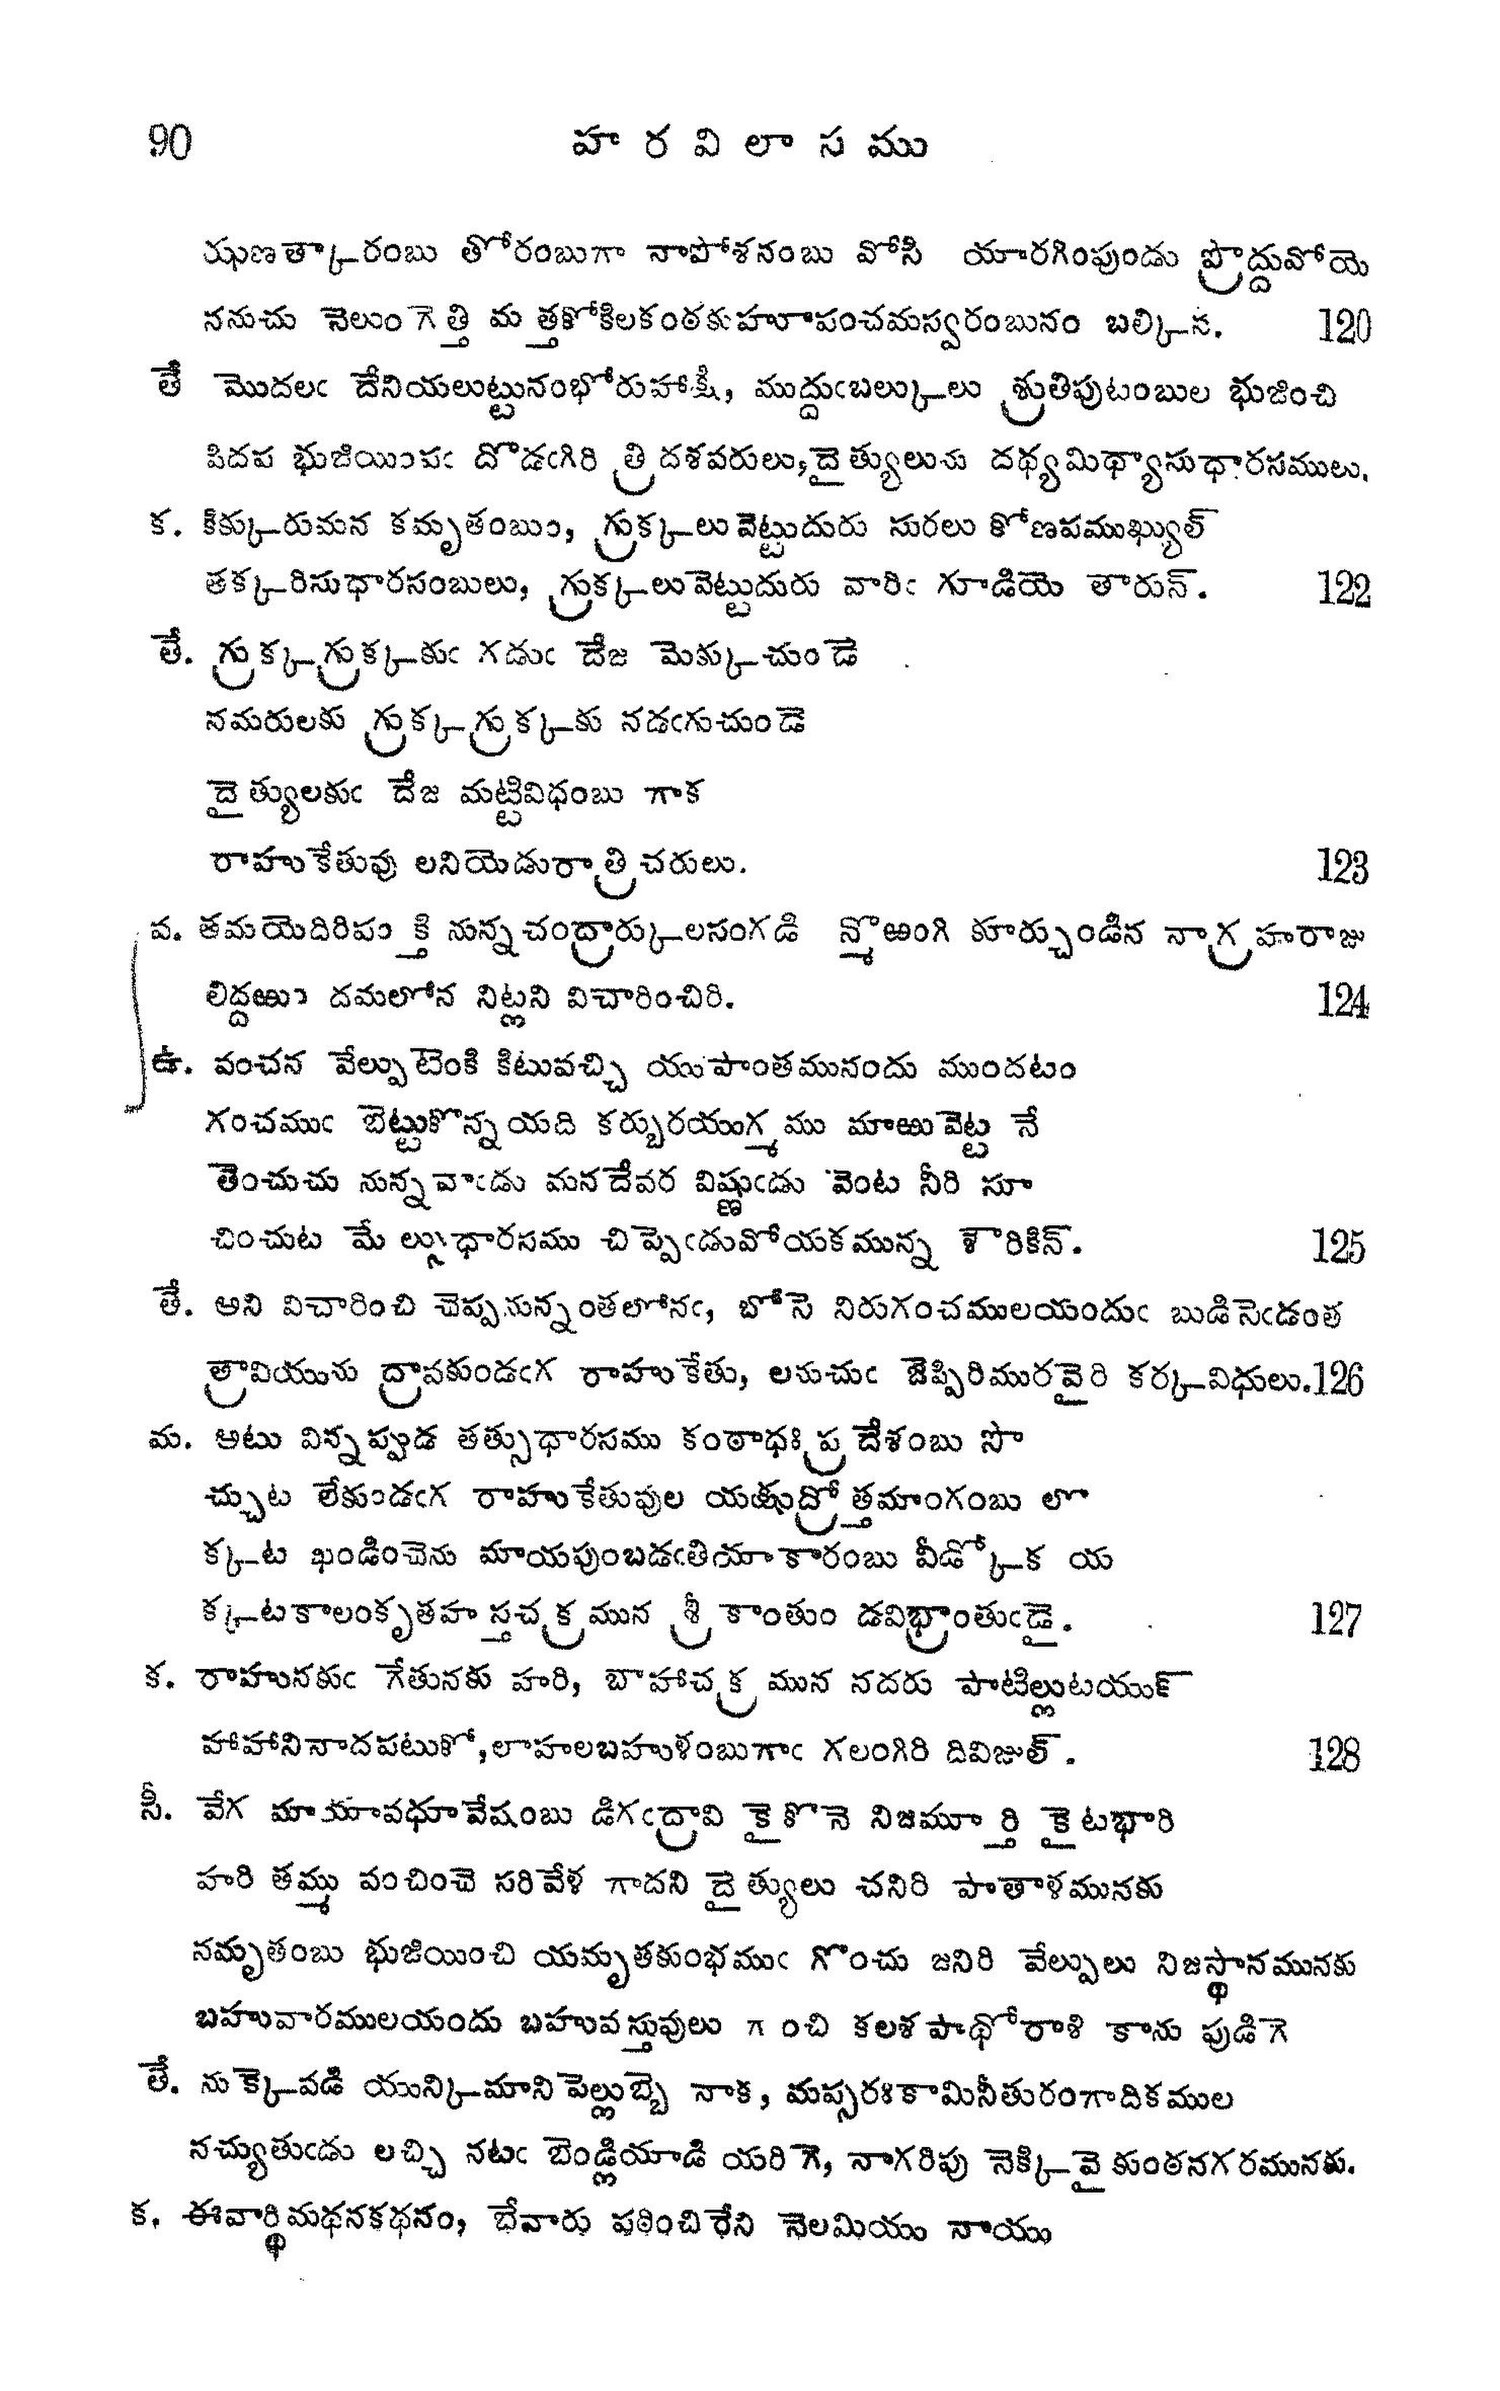ఝణత్కారంబు తోరంబుగా నాపోశనంబు వోసి యారగింపుండు ప్రొద్దువోయె ననుచు నెలుంగెత్తి మత్తకోకిలకంఠకుహూపంచమస్వరంబునం బల్కిన. 120

తే. మొదలఁ దేనియలుట్టునంభోరుహాక్షి, ముద్దుఁబల్కులు శ్రుతిపుటంబుల భుజించి
పిదప భుజియింపఁ దొడఁగిరి త్రిదశవరులు, దైత్యులును దథ్యమిథ్యాసుధారసములు. 121

క. కిక్కురుమన కమృతంబుం, గ్రుక్కలు పెట్టుదురు సురలు కోణపముఖ్యుల్
తక్కరిసుధారసంబులు, గ్రుక్కలు వెట్టుదురు వారిఁ గూడియె తారున్. 122

తే. గ్రుక్కగ్రుక్కకుఁ గడుఁదేజ మెక్కుచుండె
నమరులకు గ్రుక్కగ్రుక్కకు నడఁగుచుండె
దైత్యులకుఁ దేజ మట్టివిధంబు గాక
రాహుకేతువు లనియెడురాత్రిచరులు. 123

వ. తమయెదిరిపంక్తి నున్నచంద్రార్కులసంగడి నొఱంగి కూర్చుండిన నాగ్రహరాజు లిద్దఱుం దమలోన నిట్లని విచారించిరి. 124

ఉ. వంచన వేల్పుటెంకి కిటువచ్చి యుపాంతమునందు ముందటం
గంచముఁ బెట్టుకొన్న యది కర్బురయుగ్మము మాఱువెట్ట నే
తెంచుచు నున్నవాఁడు మనదేవర విష్ణుఁడు వెంట నీరి సూ
చించుట మే ల్సుధారసము చిప్పెఁడువోయకమున్న శౌరికిన్. 125

తే. అని విచారించి చెప్పనున్నంతలోనఁ, బోసె నిరుగంచములయందుఁ బుడిసెఁడంత
త్రావియును ద్రావకుండఁగ రాహుకేతు, లనుచుఁ జెప్పిరి మురవైరి కర్కవిధులు. 126

మ. అటు విన్నప్పుడ తత్సుధారసము కంఠాధఃప్రదేశంబు సొ
చ్చుట లేకుండఁగ రాహుకేతువుల యక్షుద్రోత్తమాంగంబు లొ
క్కట ఖండించెను మాయపుంబడఁతియాకారంబు వీడ్కోక య
క్కటకాలంకృతహస్తచక్రమున శ్రీకాంతుం డవిభ్రాంతుఁడై. 127

క. రాహునకుఁ గేతునకు హరి, బాహాచక్రమున నదరు పాటిల్లుటయున్
హాహానినాదపటుకో, లాహలబహుళంబుగాఁ గలంగిరి దివిజుల్. 128

సీ. వేగ మాయావధూవేషంబు డిగఁద్రావి కైకొనె నిజమూర్తి కైటభారి
హరి తమ్ము వంచించె సరివేళ గాదని దైత్యులు చనిరి పాతాళమునకు
నమృతంబు భుజియించి యమృతకుంభముఁ గొంచు జనిరి వేల్పులు నిజస్థానమునకు
బహువారములయందు బహువస్తువులు గాంచి కలశపాథోరాశి కాను పుడిగె
తే. నుక్కెవడి యున్కిమానిపెల్లుబ్బె నాక, మప్సరఃకామినీతురంగాదికముల
నచ్యుతుఁడు లచ్చి నటఁ బెండ్లియాడి యరిగె, నాగరిపు నెక్కి వైకుంఠనగరమునకు. 129

క. ఈవార్ధిమథనకథనం, బేవారు పఠించిరేని నెలమియు నాయు